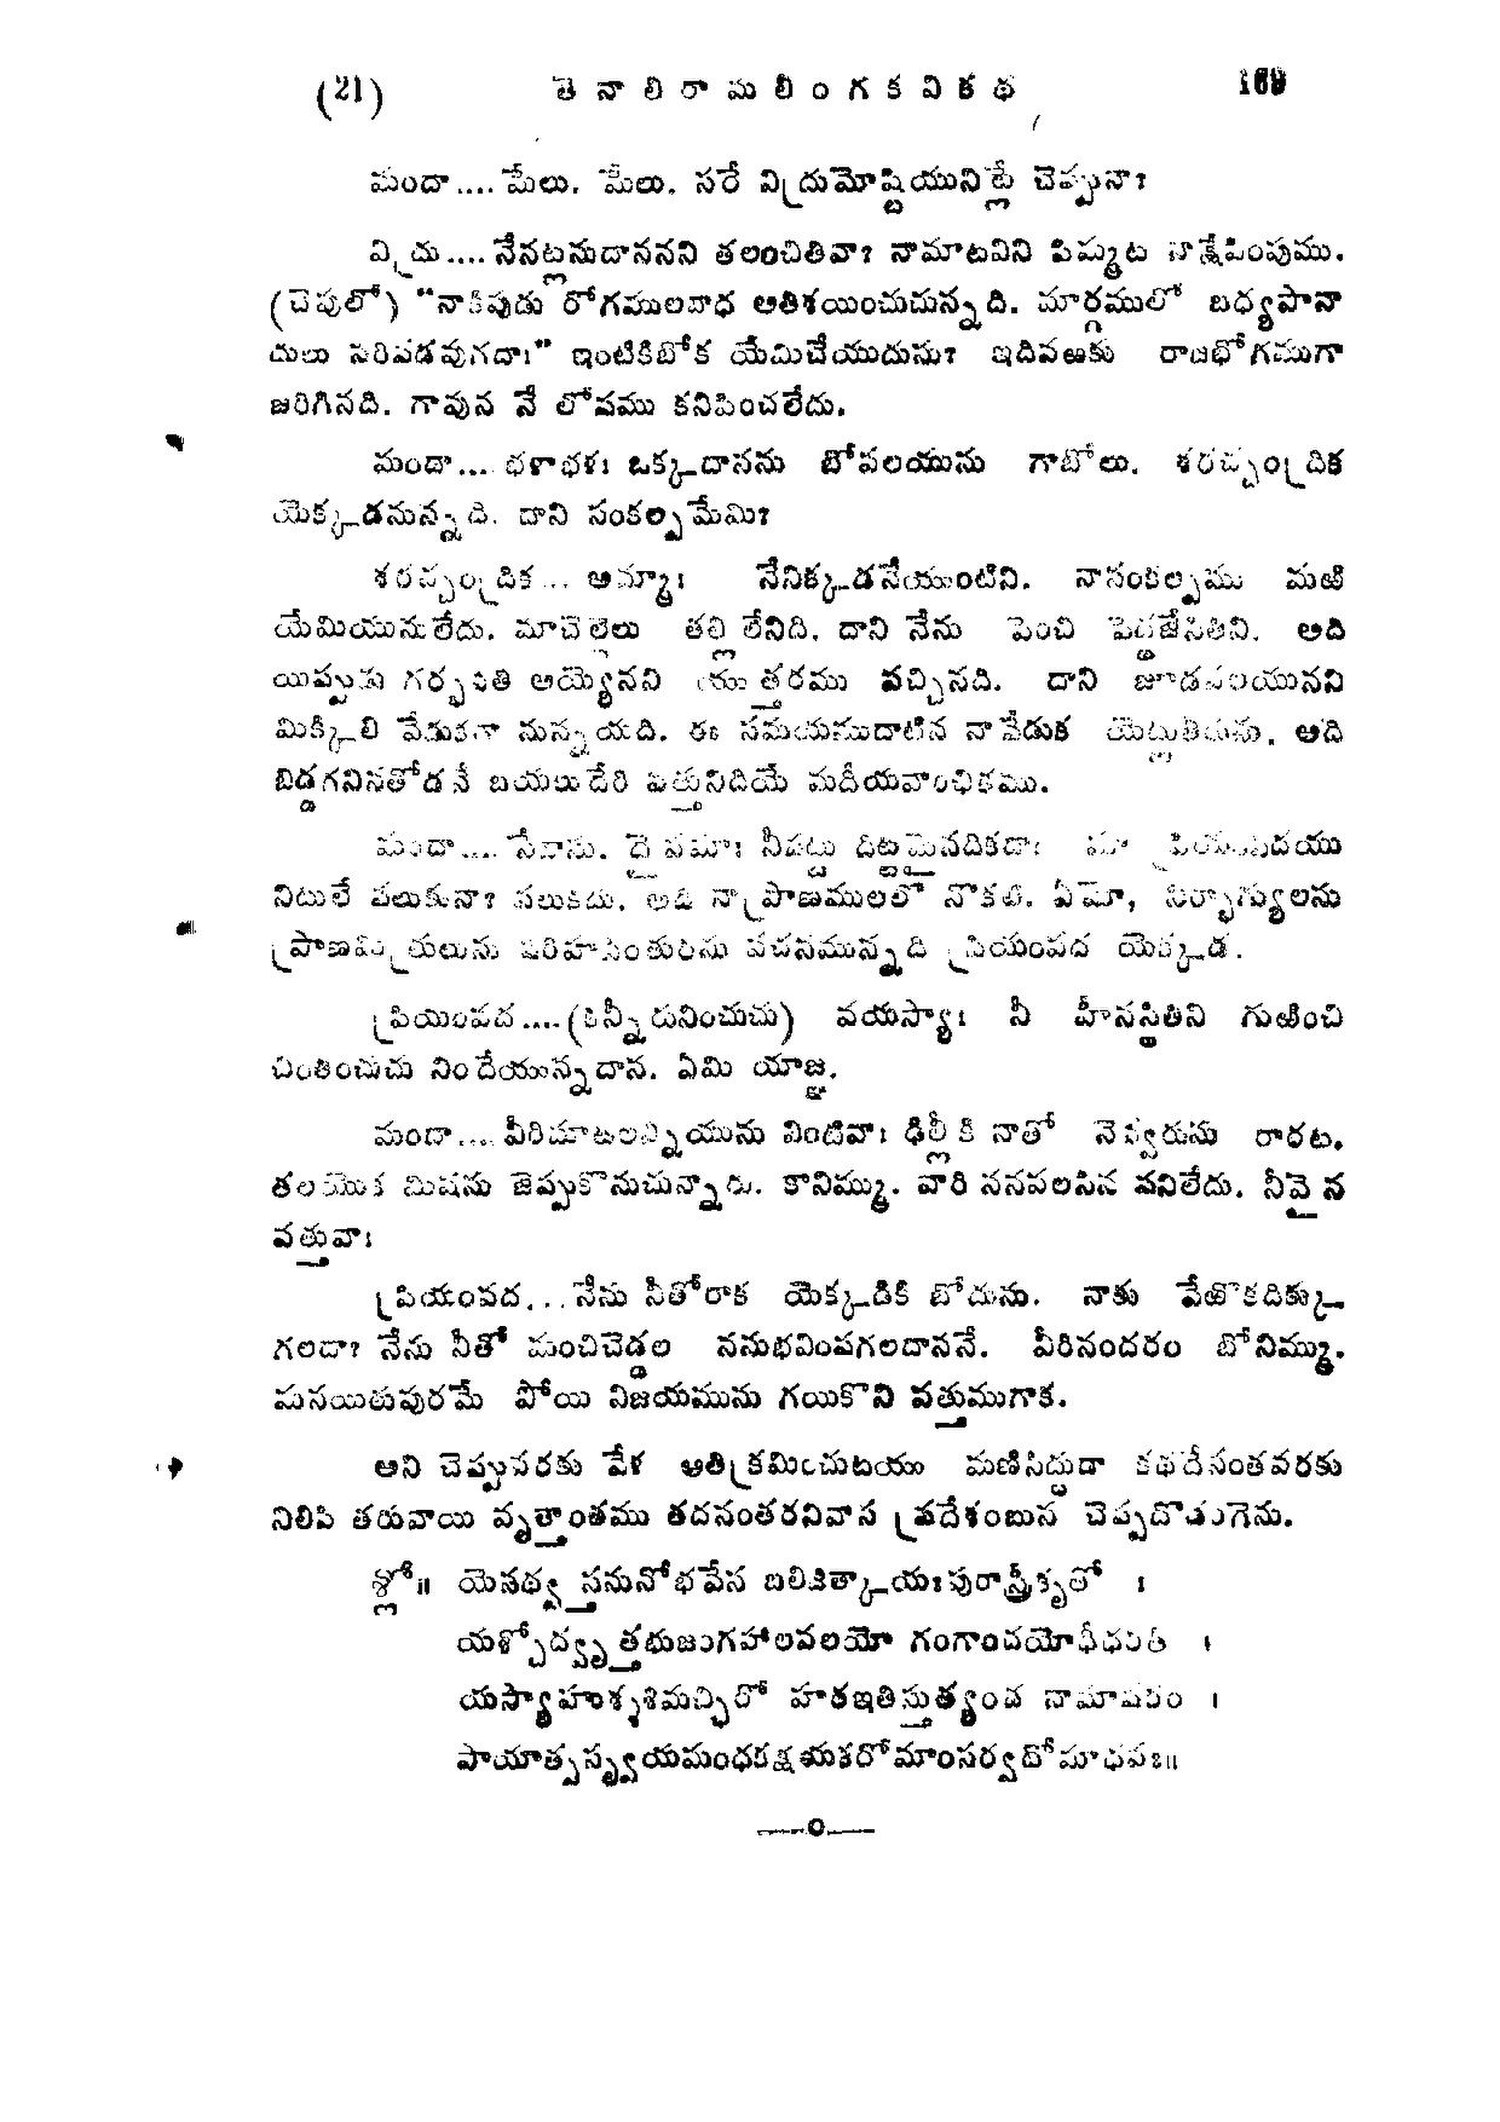మందా - మేలు. మేలు. సరే విద్రుమోష్టియు నిట్లే చెప్పునా ?

విద్రు - నేనట్లనుదాననని తలంచితివా? నామాట విని పిమ్మట నాక్షేపింపుము. (చెవులో) "నాకిపుడు రోగములబాధ అతిశయించుచున్నది. మార్గములో బధ్యపానాదులు సరిపడవుగదా!" ఇంటికిబోక యేమిచేయుదును? ఇదివఱకు రాజభోగముగా జరిగినది. గావున నే లోపము కనిపించలేదు.

మందా - భళాభళ! ఒక్క దానను బోవలయును గాబోలు. శరచ్చంద్రిక యెక్కడనున్నది. దాని సంకల్ప మేమి?

శరచ్చంద్రిక - అమ్మా! నేనిక్కడనేయుంటిని. నాసంకల్పము మఱియేమియునులేదు. మాచెల్లెలు తల్లి లేనిది. దాని నేను పెంచి పెద్దజేసితిని. అది యిప్పుడు గర్భవతి అయ్యెనని యుత్తరము వచ్చినది. దాని జూడవలయునని మిక్కిలి వేడుకగా నున్న యది. ఈ సమయముదాటిన నా వేడుక యెట్లుతీరును. అది
బిడ్డగనినతోడనే బయలుదేరి వత్ తునిదియే మదీయవాంఛితము.

మందా - సేఔను. దైవమా!: నీపట్టు దిట్టమైనదికదా ! మా ప్రియంవదయు నిటులే పలుకునా? పలుకదు. అది నాప్రాణములలో నొకటి. ఏమో, నిర్భాగ్యులను ప్రాణమిత్రులును పరిహసింతురను వచనమున్నది ప్రియంవద యెక్కడ .

ప్రియంవద - (కన్నీరునించుచు) వయస్యా? నీ హీనస్థితిని గుఱించి చింతించుచు నిందేయున్నదాన. ఏమి యాజ్ఞ.

మందా - వీరిమాటలన్నియును వింటివా ? ఢిల్లీకి నాతో నెవ్వరును రారట. తలయొక మిషను జెప్పుకొనుచున్నారు. కానిమ్ము. వారి ననవలసిన పనిలేదు. నీవైన వత్తువా!

ప్రియంవద - నేను నీతోరాక యెక్కడికి బోదును. నాకు వేఱొకదిక్కు గలదా? నేను నీతో మంచిచెడ్డల ననుభవింపగలదాననే. వీరినందరం బోనిమ్ము, మనయిరువురమే పోయి విజయమును గయికొని వత్తుముగాక.

అని చెప్పువరకు వేళ అతిక్రమించుటయు మణిసిద్దుడా కథదేసంతవరకు నిలిపి తరువాయి వృత్తాంతము తదనంతరనివాస ప్రదేశంబున చెప్పదొడంగెను.

శ్లో॥ యెనథ్వ స్తనునోభవేన బలిజిత్కాయఃపురాస్త్రీకృతో।
 యశ్చోద్వృత్తభుజంగహాలవలయో గంగాంచయోధీధరతీ।
 యస్యాహుశ్శశిమచ్ఛిరో హరఇతిస్తుత్యంచ నామాపరం ।
 పాయాత్పస్వృయమంధకక్షయకరోమాంసర్వదోమాధవః ॥